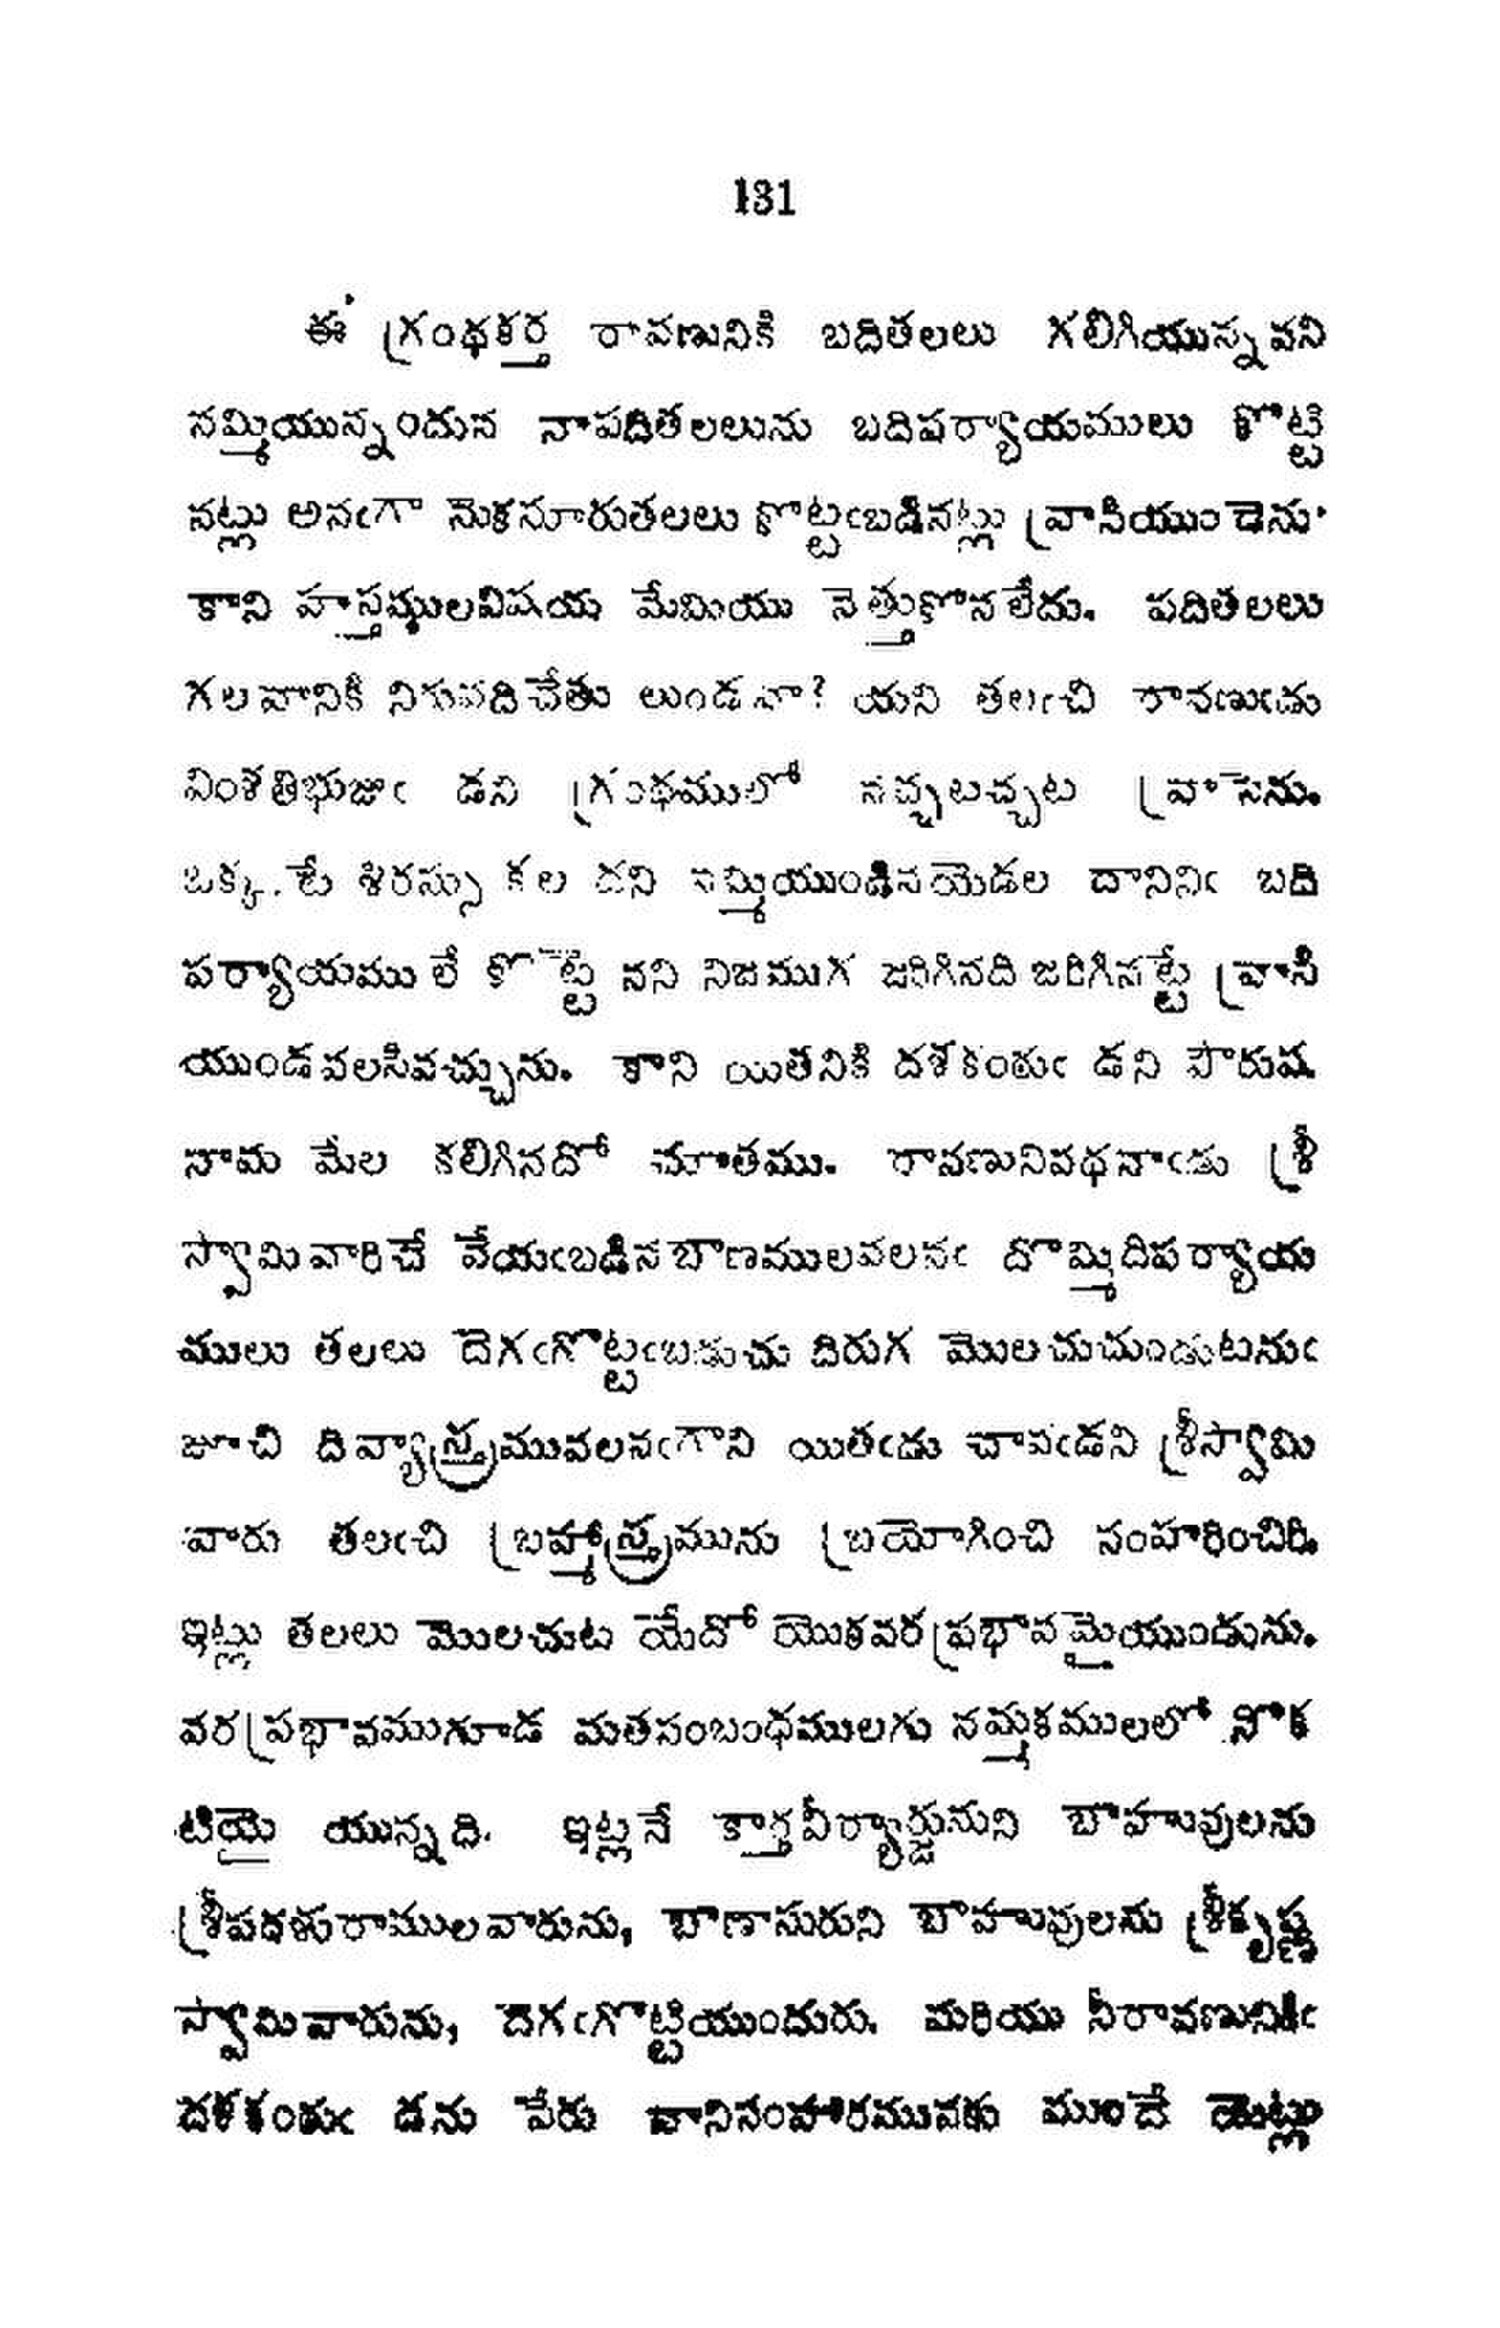ఈ గ్రంథకర్త రావణునికి బదితలలు గలిగియున్నవని నమ్మియున్నందున నాపదితలలును బదిపర్యాయములు కొట్టినట్లు అనఁగా నొకనూరుతలలు కొట్టఁబడినట్లు వ్రాసియుండెను' కాని హస్తములవిషయ మేమియు నెత్తుకొనలేదు. పదితలలు గలవానికి నిరువదిచేతు లుండవా? యని తలఁచి రావణుఁడు వింశతిభుజుఁ డని గ్రంథములో నచ్చటచ్చట వ్రాసెను. ఒక్కటే శిరస్సు కల దని నమ్మియుండినయెడల దానినిఁ బది పర్యాయములే కొట్టె నని నిజముగ జరిగినది జరిగినట్టే వ్రాసి
యుండవలసివచ్చును. కాని యితనికి దశకంఠుఁ డని పౌరుషనామ మేల కలిగినదో చూతము. రావణునివధనాఁడు శ్రీస్వామివారిచే వేయఁబడినబాణములవలనఁ దొమ్మిదిపర్యాయములు తలలు దెగఁగొట్టఁబడుచు దిరుగ మొలచుచుండుటనుఁ జూచి దివ్యాస్త్రమువలనఁగాని యితఁడు చావఁడని శ్రీస్వామివారు తలఁచి బ్రహ్మాస్త్రమును బ్రయోగించి సంహరించిరి. ఇట్లు తలలు మొలచుట యేదో యొకవరప్రభావమైయుండును. వరప్రభావముగూడ మతసంబంధములగు నమ్మకములలో నొకటియై యున్నది. ఇట్లనే కార్తవీర్యార్జునుని బాహువులను శ్రీపరశురాములవారును, బాణాసురుని బాహువులను శ్రీకృష్ణస్వామివారును, దెగఁగొట్టియుందురు. మరియు నీరావణునికిఁ దశకంఠుఁ డను పేరు వానిసంహారమువకు ముందే యెట్లు